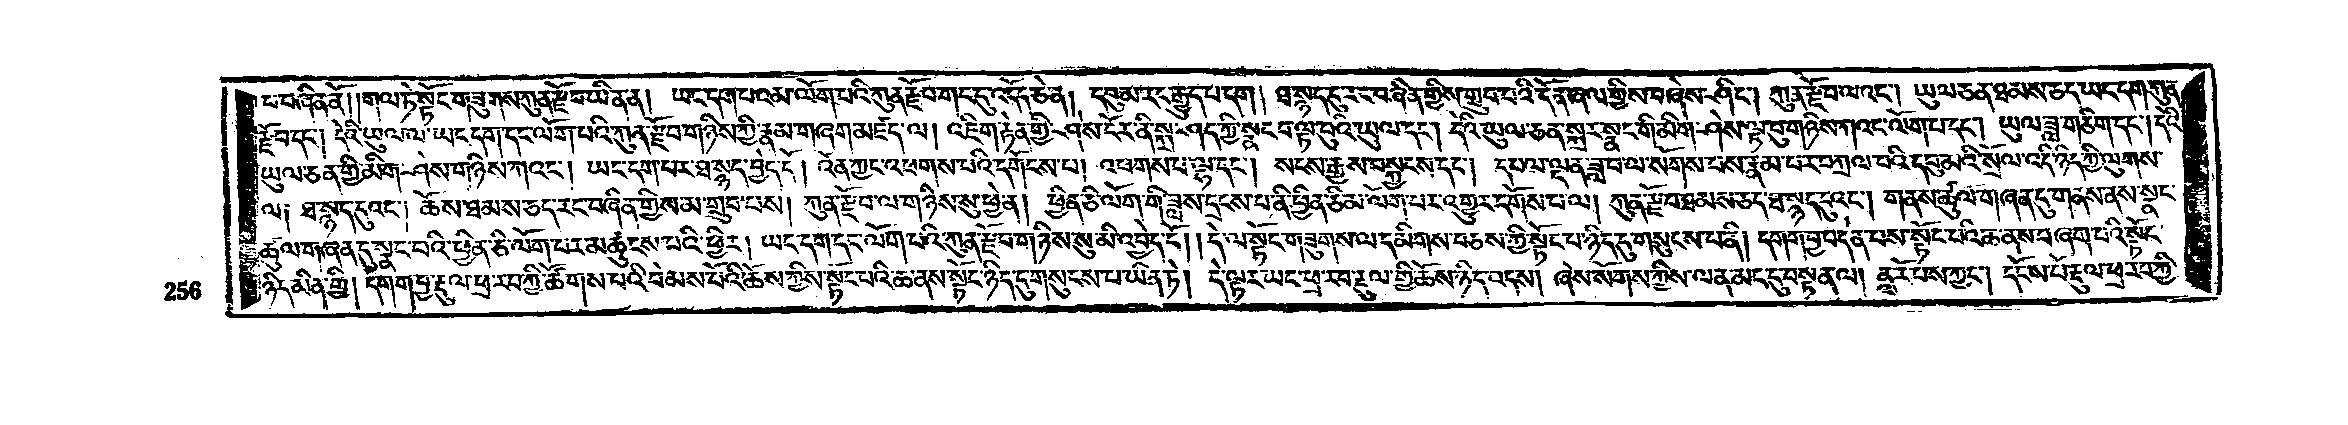པ་བཞིན་ནོ། །གལ་ཏེ་སྟོང་གཟུགས་ཀུན་རྫོབ་ཡིན་ན། ཡང་དག་པའམ་ལོག་པའི་ཀུན་རྫོབ་གང་དུ་འདོད་ཅེ་ན། དབུ་མ་རང་རྒྱུད་པ་དག །ཐ་སྙད་དུ་རང་བཞིན་གྱིས་གྲུབ་པའི་དོན་ཞལ་གྱིས་བཞེས་ཤིང་། ཀུན་རྫོབ་ལའང་། ཡུལ་ཅན་ཐམས་ཅད་ཡང་དག་ཀུན་
རྫོབ་དང་། དེའི་ཡུལ་ལ་ཡང་དག་དང་ལོག་པའི་ཀུན་རྫོབ་གཉིས་ཀྱི་རྣམ་གཞག་མཛད་ལ། འཇིག་རྟེན་གྱི་ཤེས་ངོར་ནི་སྐྲ་ཤད་ཀྱི་སྣང་བ་ལྟ་བུའི་ཡུལ་དང་། དེའི་ཡུལ་ཅན་སྐྲར་སྣང་གི་མིག་ཤེས་ལྟ་བུ་གཉིས་ཀའང་ལོག་པ་དང་། ཡུལ་ཟླ་གཅིག་དང་། དེའི་
ཡུལ་ཅན་གྱི་མིག་ཤེས་གཉིས་ཀའང་། ཡང་དག་པར་ཐ་སྙད་བྱེད་དོ། འོན་ཀྱང་འཕགས་པའི་དགོངས་པ། འཕགས་པ་ལྷ་དང་། སངས་རྒྱས་བསྐྱངས་དང་། དཔལ་ལྡན་ཟླ་བ་ལ་སོགས་པས་རྣམ་པར་བཀྲལ་བའི་དབུ་མའི་སྲོལ་འདི་ཉིད་ཀྱི་ལུགས་
ལ། ཐ་སྙད་དུའང་། ཆོས་ཐམས་ཅད་རང་བཞིན་གྱིས་མ་གྲུབ་པས། ཀུན་རྫོབ་ལ་གཉིས་སུ་ཕྱེ་ན། ཕྱིན་ཅི་ལོག་གི་ཟླས་དྲངས་པ་ནི་ཕྱིན་ཅི་མ་ལོག་པར་འགྱུར་དགོས་པ་ལ། ཀུན་རྫོབ་ཐམས་ཅད་ཐ་སྙད་དུའང་། གནས་ཚུལ་གཞན་དུ་གནས་ནས་སྣང་
ཚུལ་གཞན་དུ་སྣང་བའི་ཕྱིན་ཅི་ལོག་པར་མཚུངས་པའི་ཕྱིར། ཡང་དག་དང་ལོག་པའི་ཀུན་རྫོབ་གཉིས་སུ་མི་འབྱེད་དོ། །དེ་ལ་སྟོང་གཟུགས་ལ་དམིགས་བཅས་ཀྱི་སྟོང་པ་ཉིད་དུ་གསུངས་པ་ནི། དགག་བྱ་བདེན་པས་སྟོང་པའི་ཆ་ནས་བཞག་པའི་སྟོང་
ཉིད་མིན་གྱི་།དགག་བྱ་རྡུལ་ཕྲ་རབ་ཀྱི་ཚོགས་པའི་བེམས་པོའི་ཆོས་ཀྱིས་སྟོང་པའི་ཆ་ནས་སྟོང་ཉིད་དུ་གསུངས་པ་ཡིན་ཏེ། དེ་ལྟར་ཡང་ཕྲ་རབ་རྡུལ་གྱི་ཆོས་ཉིད་འདས། ཞེས་སོགས་ཀྱིས་ལན་མང་དུ་བསྟན་ལ། ནཱ་རོ་པས་ཀྱང་། དངོས་པོ་རྡུལ་ཕྲ་རབ་ཀྱི་